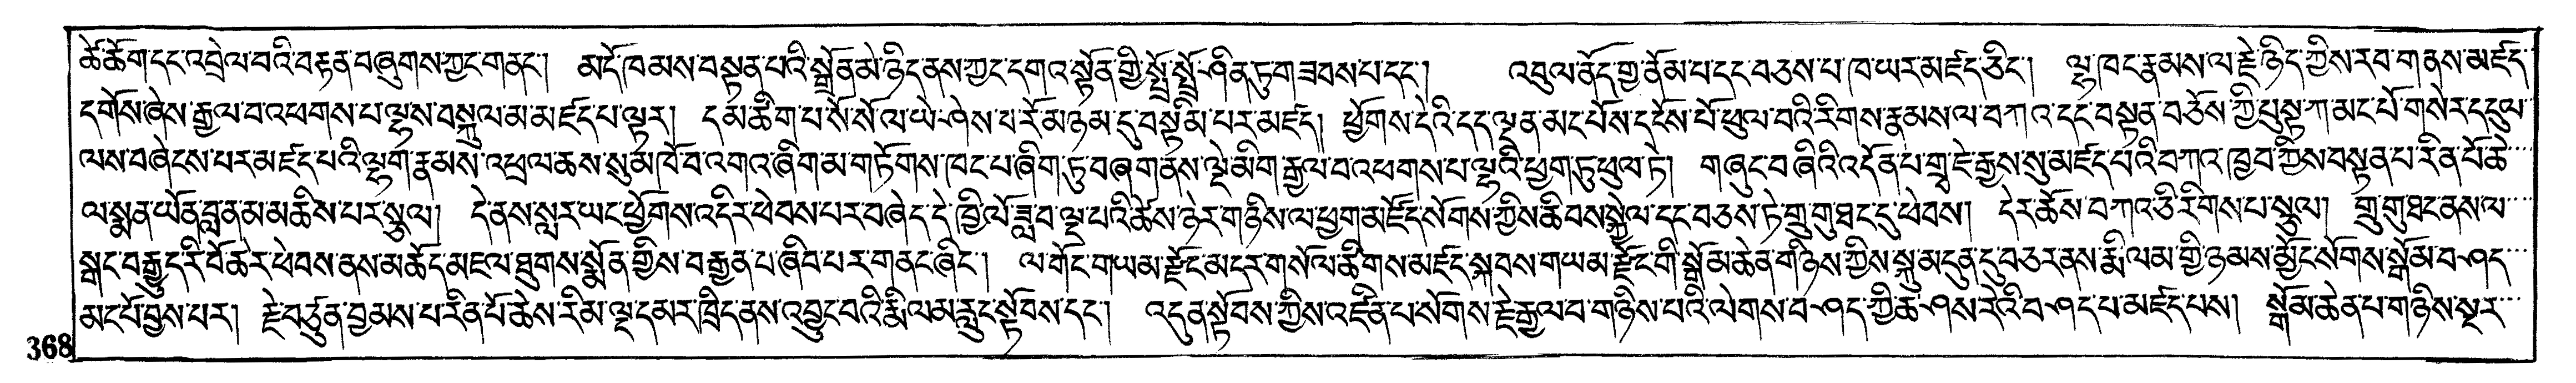ཚེ་ཆོག་དང་འབྲེལ་བའི་བརྟན་བཞུགས་ཀྱང་གནང་། མདོ་ཁམས་བསྟན་པའི་སོན་མེ་ཉིད་ནས་ཀྱང་དགའ་སྟོན་གྱིས་སྤྲོ་སྤྲོ་ཤིན་ཏུ་གཟབས་པ་དང་། འབུལ་ནོད་གྱ་ནོམ་པ་དང་བཅས་པ་ཁ་ཡར་མཛད་ཅིང་། ལྷ་ཁང་རྣམས་ལ་རྗེ་ཉིད་ཀྱིས་རབ་གནས་མཛད་
དགོས་ཞེས་རྒྱལ་བ་འཕགས་པ་ལྷས་བསྐུལ་མ་མཛད་པ་ལྟར། དམ་ཆིག་པ་སོ་སོ་ལ་ཡེ་ཤེས་པ་རོ་མཉམ་དུ་བསྟིམ་པར་མཛད། ཕྱོགས་དེའི་དང་ལྡན་མང་པོས་དངོས་པོ་ཕུལ་བའི་རིགས་རྣམས་ལ་བཀའ་དང་བསྟན་བཅོས་ཀྱི་པུ་སྟ་ཀ་མང་པོ་གསེར་དངུལ་
ལས་བཞེངས་པར་མཛད་པའི་ལྷག་རྣམས་འཕྲལ་ཆས་སུ་མཁོ་བ་འགའ་ཞིག་མ་གཏོགས་ཁང་པ་ཞིག་ཏུ་བཞག་ནས་ལྡེ་མིག་རྒྱལ་བ་འཕགས་པ་ལྷའི་ཕྱག་ཏུ་ཕུལ་ཏེ། གཞུང་བཞིའི་འདོན་བ་གྲྭ་ཇེ་རྒྱས་སུ་མཛད་པའི་བཀའ་ཁྱབ་ཀྱིས་བསྟན་པ་རིན་པོ་ཆེ་
ལ་སྨན་ཡོན་བླ་ན་མ་མཆིས་པར་སྩལ། དེ་ནས་སླར་ཡང་ཕྱོགས་འདིར་ཕེབས་པར་བཞེད་དེ་ཁྱི་ལོ་ཟླ་བ་ལྔ་པའི་ཚེས་ཉེར་གཉིས་ལ་ཕྱག་མཛོད་སོགས་ཀྱིས་ཆིབས་སྐྱེལ་དང་བཅས་ཏེ་གྲུ་གུ་ཐང་དུ་ཕེབས། དེར་ཆོས་བཀའ་ཅི་རིགས་པ་སྩལ། གྲུ་གུ་ཐང་ནས་ལ་
སྒང་བརྒྱུད་རི་བོ་ཆེར་ཕེབས་ནས་མཆོད་མཇལ་ཐུགས་སྨོན་གྱིས་བརྒྱན་པ་ཞིབ་པར་གནང་ཞིང་། ལ་གོང་གཡམ་རྫོང་མངར་གསོལ་ཆིགས་མཛད་སྐབས་གཡམ་རྫོང་གི་སྒོམ་ཆེན་གཉིས་ཀྱིས་སྐུ་མདུན་དུ་བཅར་ནས་རྨི་ལམ་གྱི་ཉམས་མྱོང་སོགས་སྒོམ་བཤད་
མང་པོ་བྱས་པར། རྗེ་བཙུན་བྱམས་པ་རིན་པོ་ཆེས་རིམ་ལྔ་དམར་ཁྲིད་ནས་འབྱུང་བའི་རྨི་ལམ་རླུང་སྟོབས་དང་། འདུན་སྟོབས་ཀྱིས་འཛིན་པ་སོགས་རྗེ་རྒྱལ་བ་གཉིས་པའི་ལེགས་བཤད་ཀྱི་ཆ་ཤས་རེའི་བཤད་པ་མཛད་པས། སྒོམ་ཆེན་པ་གཉིས་སྔར་